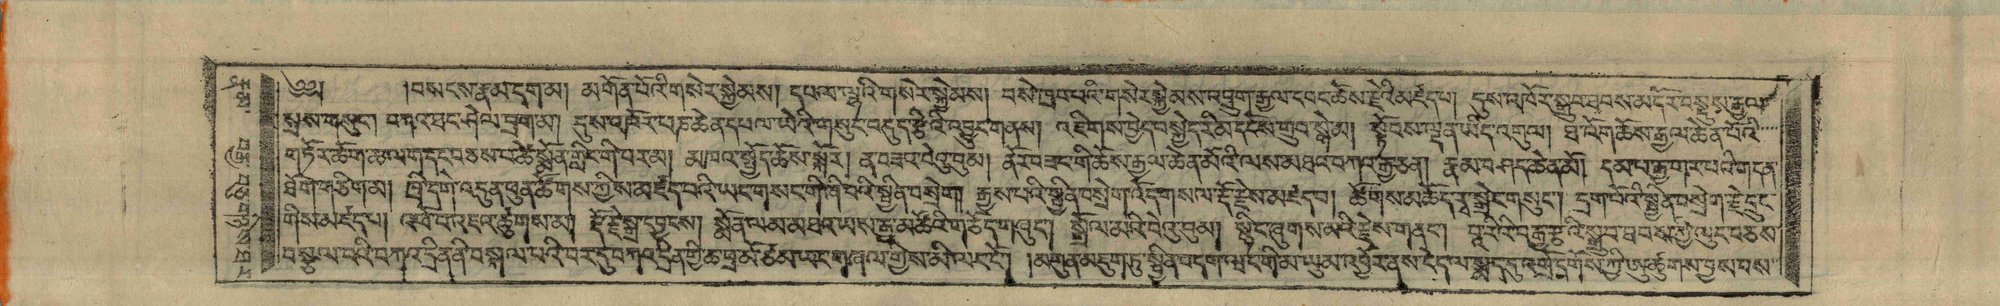༄༅། །བསངས་རྣམ་དག་མ། མགོན་པོའི་གསེར་སྐྱེམས། དཔལ་ལྷའི་གསེར་སྐྱེམས། བསེ་ཁྲབ་པའི་གསེར་སྐྱེམས་འབྲུག་རྒྱལ་དབང་ཆོས་རྗེའི་མཛད་པ། དུས་འཁོར་སྒྲུབ་ཐབས་མདོར་བསྡུས་རྒྱལ་
སྲས་གསུང་། བཀའ་ཐང་ཤེལ་བྲག་མ། དུས་འཁོར་པཎ་ཆེན་དཔལ་ཡེའི་གསུང་བདུད་རྩིའི་འབྱུང་གནས། འཇིགས་བྱེད་བསྐྱེད་རིམ་དངོས་གྲུབ་སྙེ་མ། སྟོབས་ལྡན་ཡིད་འགུལ། ཐ་འོག་ཆོས་རྒྱལ་ཆེན་པོའི་
གཏོར་ཆོག་ཆ་ལག་དང་བཅས་པ་ཚེ་སྨོན་གླིང་གི་པར་མ། མཁའ་སྤྱོད་ཆོས་སྐོར། ན་བཟའ་བེའུ་བུམ། ནོར་བཟང་གི་ཆོས་རྒྱལ་ཆེན་མོའི་ལས་མཐའ་བཀའ་རྒྱ་ཅན། རྣམ་བཤད་ཆེན་མོ། དམ་པ་རྒྱ་གར་པའི་གདན་
ཐོག་གཅིག་མ། ཁྲི་དགེ་འདུན་ཕུན་ཚོགས་ཀྱིས་མཛད་པའི་ཡང་གསང་གི་ཞི་བའི་སྦྱིན་བསྲེག །རྒྱས་པའི་སྦྱིན་བསྲེག་འོད་གསལ་རྡོ་རྗེས་མཛད་པ། ཚོགས་མཆོད་རྭ་སྒྲེང་གསུང་། དྲག་པོའི་སྦྱིན་བསྲེག་རྗེ་དྲུང་
གིས་མཛད་པ། འཕོ་བ་འཇའ་ཚུགས་མ། རྡོ་རྗེ་སྒྲ་དབྱངས། སྨོན་ལམ་མཐའ་ཡས་རྒྱ་མཚོའི་གཅོད་གཞུང་། སྒྲོལ་མའི་བེའུ་བུམ། སྙིང་ཞུགས་མའི་རྗེས་གནང་། བཱ་རིའི་བརྒྱ་རྩའི་སྒྲུབ་ཐབས་ཀྱི་ལུང་བཅས་
བསྩལ་བའི་བཀའ་དྲིན་ནི་བསྐལ་པའི་བར་དུ་བཀའ་དྲིན་གྱི་ཆ་ཕྲ་མོ་ཙམ་ཡང་གཞལ་གྱིས་མི་ལང་ངོ། །མགུན་མཇུག་ཏུ་སྦྱིན་བདག་ཝང་གི་མ་ཡུམ་འབྱོར་ནས་ངེད་ལ་སྨད་དུ་འགྲོ་དགོས་ཀྱི་ཨུ་ཚུགས་བྱས་བས་